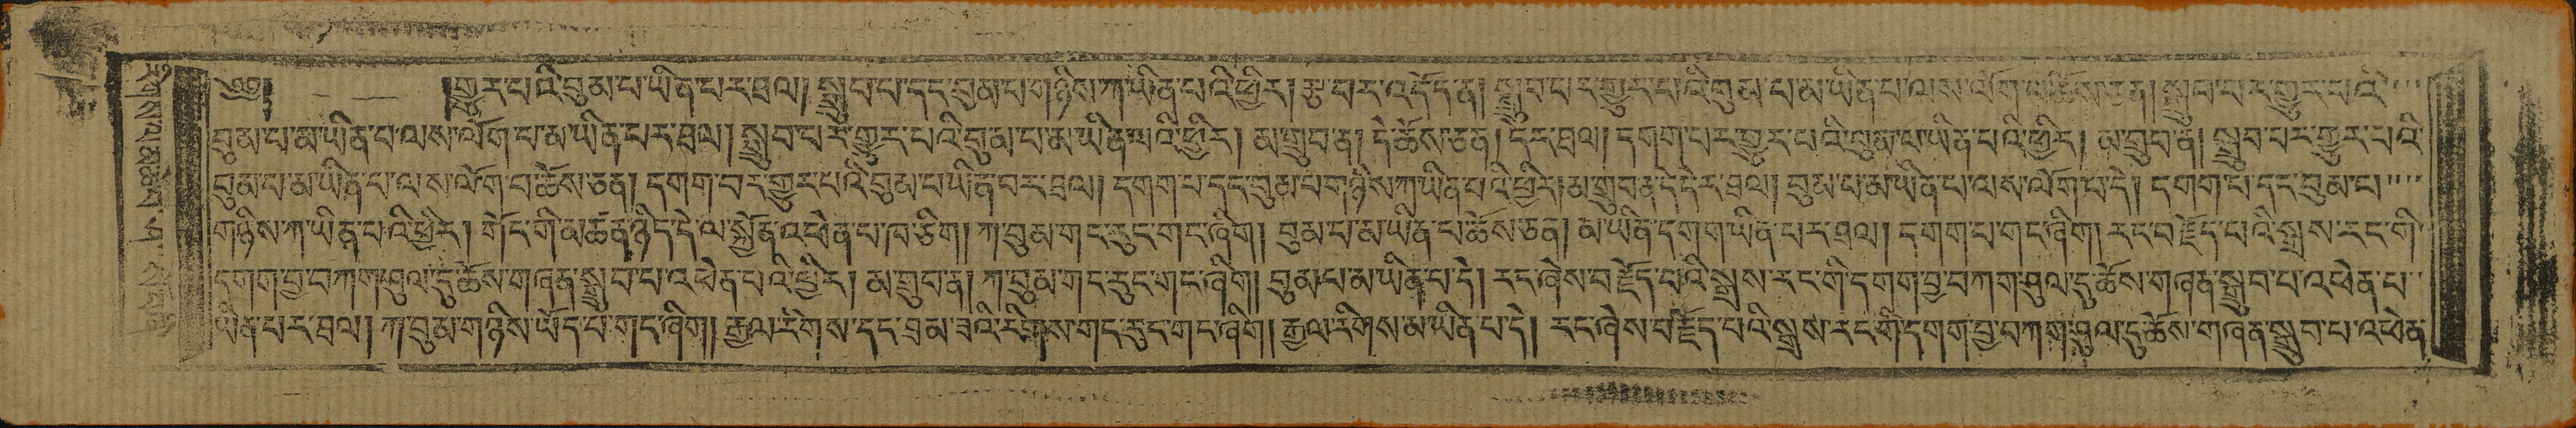༄༅། །གྱུར་པའི་བུམ་པ་ཡིན་པར་ཐལ། སྒྲུབ་པ་དང་བུམ་པ་གཉིས་ཀ་ཡིན་པའི་ཕྱིར། རྩ་བར་འདོད་ན། སྒྲུབ་པར་གྱུར་པའི་བུམ་པ་མ་ཡིན་པ་ལས་ལོག་པ་ཆོས་ཅན། སྒྲུབ་པར་གྱུར་པའི་
བུམ་པ་མ་ཡིན་པ་ལས་ལོག་པ་མ་ཡིན་པར་ཐལ། སྒྲུབ་པར་གྱུར་པའི་བུམ་པ་མ་ཡིན་པའི་ཕྱིར། མ་གྲུབ་ན། དེ་ཆོས་ཅན། དེར་ཐལ། དགག་པར་གྱུར་པའི་བུམ་པ་ཡིན་པའི་ཕྱིར། མ་གྲུབ་ན། སྒྲུབ་པར་གྱུར་པའི་
བུམ་པ་མ་ཡིན་པ་ལས་ལོག་པ་ཆོས་ཅན། དགག་བར་གྱུར་པའི་བུམ་པ་ཡིན་པར་ཐལ། དགག་པ་དང་བུམ་པ་གཉིས་ཀ་ཡིན་པའི་ཕྱིར། མ་གྲུབ་ན་དེ་དེར་ཐལ། བུམ་པ་མ་ཡིན་པ་ལས་ལོག་པ་དེ། དགག་པ་དང་བུམ་པ་
གཉིས་ཀ་ཡིན་པའི་ཕྱིར། གོང་གི་མཚན་ཉིད་དེ་ལ་སྐྱོན་འཕེན་པ་ཁ་ཅིག །ཀ་བུམ་གང་རུང་གང་ཞིག །བུམ་པ་མ་ཡིན་པ་ཆོས་ཅན། མ་ཡིན་དགག་ཡིན་པར་ཐལ། དགག་པ་གང་ཞིག །རང་བརྗོད་པའི་སྒྲས་རང་གི་
དགག་བྱ་བཀག་ཤུལ་དུ་ཆོས་གཞན་སྒྲུབ་པ་འཕེན་པའི་ཕྱིར། མ་གྲུབ་ན། ཀ་བུམ་གང་རུང་གང་ཞིག །བུམ་པ་མ་ཡིན་པ་དེ། རང་ཞེས་བརྗོད་པའི་སྒྲས་རང་གི་དགག་བྱ་བཀག་ཤུལ་དུ་ཆོས་གཞན་སྒྲུབ་པ་འཕེན་པ་
ཡིན་པར་ཐལ། ཀ་བུམ་གཉིས་ཡོད་པ་གང་ཞིག །རྒྱལ་རིགས་དང་བྲམ་ཟའི་རིགས་གང་རུང་གང་ཞིག །རྒྱལ་རིགས་མ་ཡིན་པ་དེ། རང་ཞེས་བརྗོད་པའི་སྒྲས་རང་གི་དགག་བྱ་བཀག་ཤུལ་དུ་ཆོས་གཞན་སྒྲུབ་པ་འཕེན་